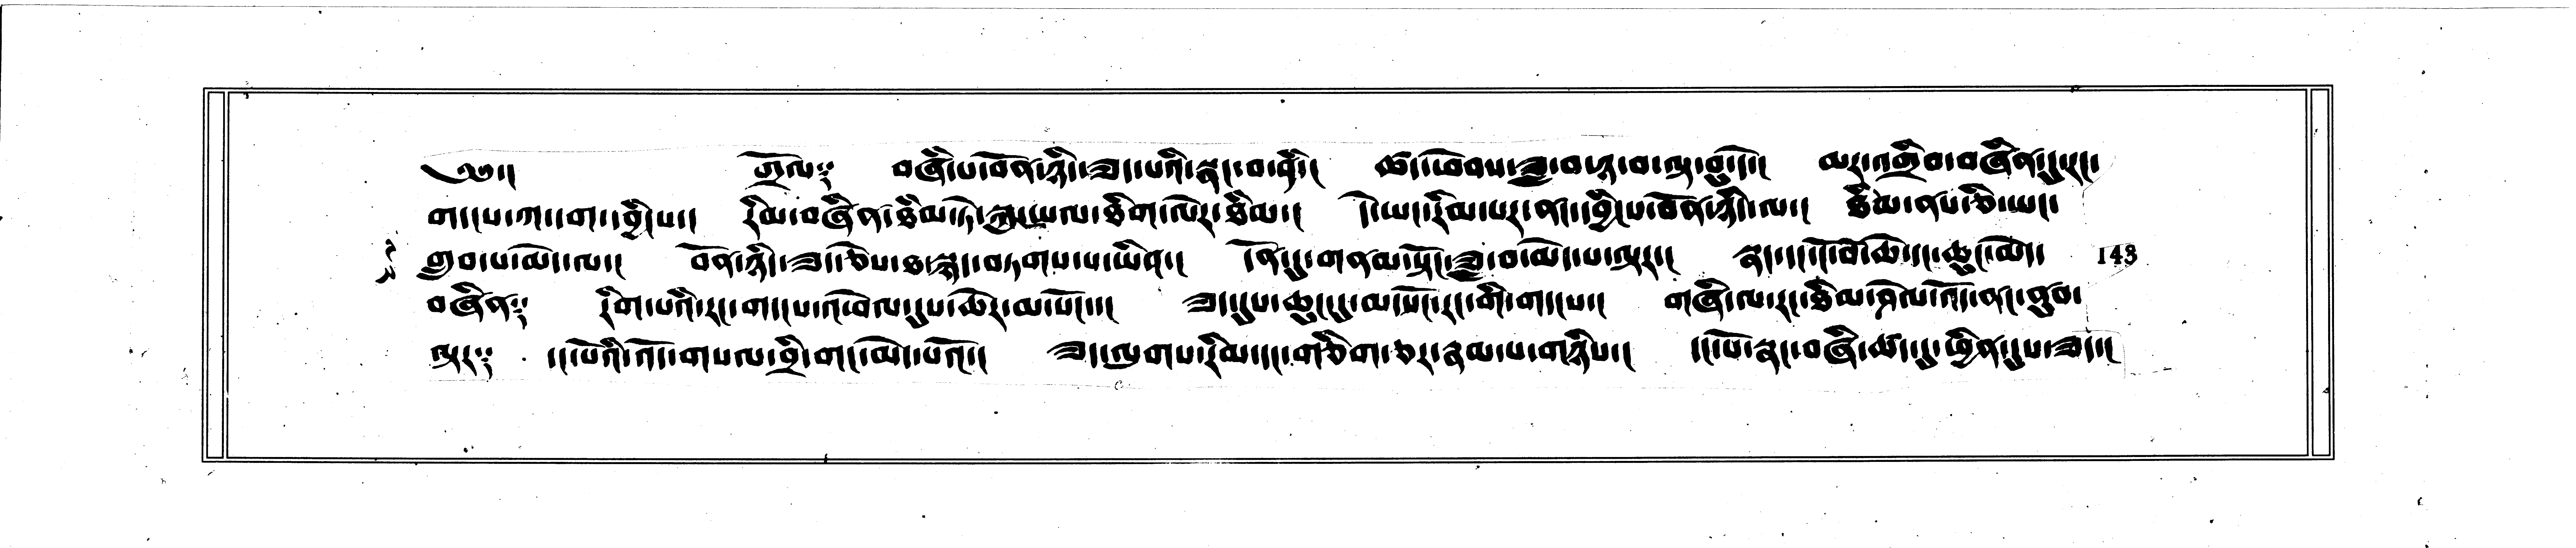གྲོལ། །བཞི་པ་བོན་ཉིད་ཟད་པའི་སྣང་བ་ནི། །ཚད་ཕེབས་ཟླ་བ་ཉ་བ་ལྟ་བུ་དེ། །མར་འགྲིབ་བཞིན་དུ་རང་
གདངས་ཀ་དག་དབྱིངས། །རིམ་བཞིན་ཐིམ་སྟེ་སྐུ་ཡལ་ཐིག་ལེར་ཐིམ། །དེ་ཡང་རིམ་པར་ནང་དབྱིངས་བོན་ཉིད་ལ། །ཐིམ་ནས་ཅི་ཡང་
གྲུབ་པ་མེད་པ་ལ། །བོན་ཉིད་ཟད་ཅེས་ཐ་སྙད་བཏགས་པ་ཡིན། །དོན་དུ་གནམ་སྟོང་ཟླ་བ་མེད་པ་ལྟར། །སྣང་དང་ངོ་བོ་ཆེ་དང་ཆུང་མེད་
བཞིན། །རིག་པའི་རང་གདངས་འཕེལ་དུས་ཆེར་མ་སོང་། །ཟད་དུས་ཆུང་དུ་མ་སོང་རང་གི་གདངས། །གཞི་ལ་རང་ཐིམ་ཤེལ་འོད་ནང་ནུབ་
ལྟར། །དང་པོའི་འོད་གསལ་བྲི་གང་མེད་པའོ། །ཟད་ལུགས་རིམ་དང་ཅིག་ཆར་རྣམ་པ་གཉིས། །དང་པོ་སྣང་བཞི་ཚད་དུ་ཕྱིན་དུས་ཟད། །